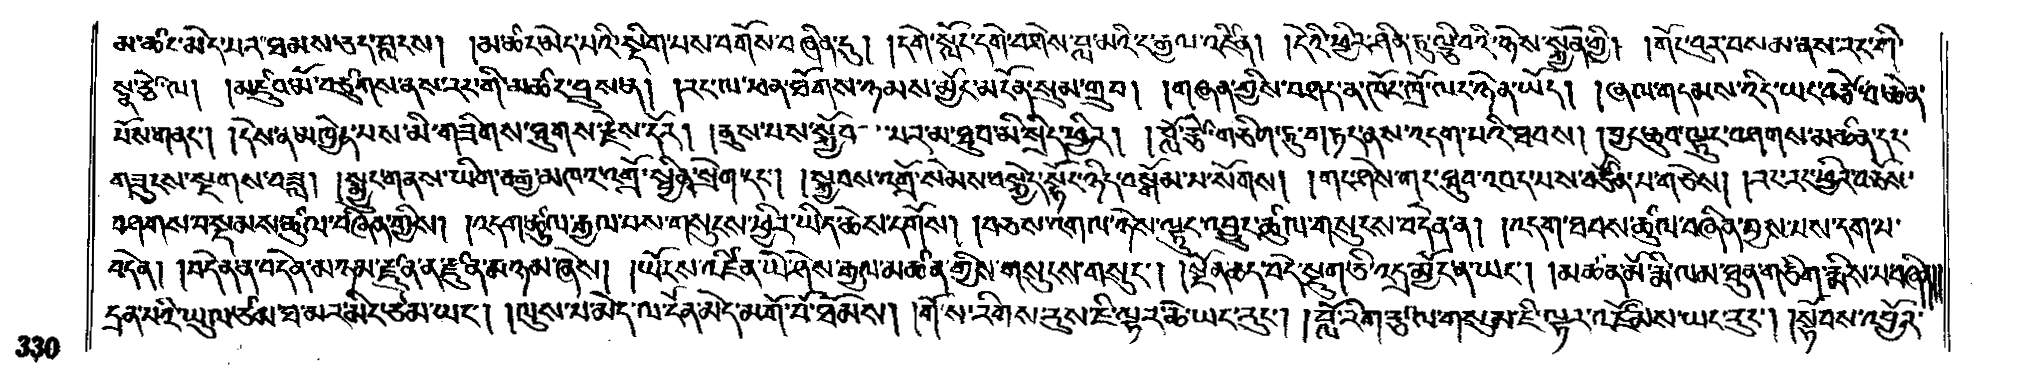མ་ཚང་མེད་པར་ཐམས་ཅད་བླངས། །མ་ཚང་མེད་པའི་སྡིག་པས་བགོས་བཞིན་དུ། །དགེ་སློང་དགེ་བཤེས་བླ་མའི་ང་རྒྱལ་འཛིན། །དེའི་ཕྱིར་ཤིན་ཏུ་ལྕི་བའི་ཉེས་སྐྱོན་གྱི། །གོང་བུར་བསམ་ནས་རང་གི་
སྣ་རྩེ་ལ། །མཛུབ་མོ་བཙུགས་ནས་རང་གི་མཚང་བྲུས་ན། །རང་ལ་ཕན་ཐོགས་ཉམས་མྱོང་མངོན་སུམ་གྲུབ། །གཞན་གྱིས་བཤད་ན་ཁོང་ཁྲོ་ལང་ཉེན་ཡོད། །ཞལ་གདམས་འདི་ཡང་བརྩེ་བ་ཆེན་
པོས་གནང་། །དེས་ན་མཁྱེན་པས་མི་གཟིགས་ཐུགས་རྗེས་དོར། །ནུས་པས་སྐྱོབ་པར་མ་ཐུབ་མི་སྲིད་ཕྱིར། །བློ་རྩེ་གཅིག་ཏུ་གཏད་ནས་འདག་པའི་ཐབས། །བྱང་ཆུབ་ལྟུང་བཤགས་མཚན་དང་
གཟུངས་སྔགས་བཟླ། །སྨྱུང་གནས་ཡིག་བརྒྱ་མཁའ་འགྲོ་སྦྱིན་སྲེག་དང་། །སྐྱབས་འགྲོ་སེམས་བསྐྱེད་སྟོང་ཉིད་བསྒོམ་པ་སོགས། །གང་ཤེས་གང་ཐུབ་འབད་པས་བརྩོན་པ་གཅེས། །རང་རང་ཕྱིར་བཅོས་
བཤགས་བསྡམས་ཚུལ་བཞིན་གྱིས། །འདག་ཚུལ་རྒྱལ་བས་གསུངས་ཕྱིར་ཡིད་ཆེས་དགོས། །བཅས་འགལ་ཉེས་ལྟུང་འབྱུང་ཚུལ་གསུངས་བདེན་ན། །འདག་ཐབས་ཚུལ་བཞིན་བྱས་པས་དག་པ་
བདེན། །བདེན་ན་བདེན་མཉམ་རྫུན་ན་རྫུན་མཉམ་ཞེས། །ཡོངས་འཛིན་ཡེ་ཤེས་རྒྱལ་མཚན་གྱིས་གསུངས་གསུང་། །སྔོན་ཆད་བདེ་སྡུག་ཅི་འདྲ་མྱོང་ན་ཡང་། །མཚན་མོ་རྨི་ལམ་ཐུན་གཅིག་རྨིས་པ་བཞིན། །
དྲན་པའི་ཡུལ་ཙམ་ཐ་མར་མིང་ཙམ་ཡང་། །ལུས་པ་མེད་ལ་དོན་མེད་མགོ་བོ་ཐོམས། །གོ་ས་རིགས་རུས་ཇི་ལྟར་ཆེ་ཡང་རུང་། །བློ་རིག་རྩལ་གསུམ་ཇི་ལྟར་འཛོམས་ཡང་རུང་། །སྟོབས་འབྱོར་